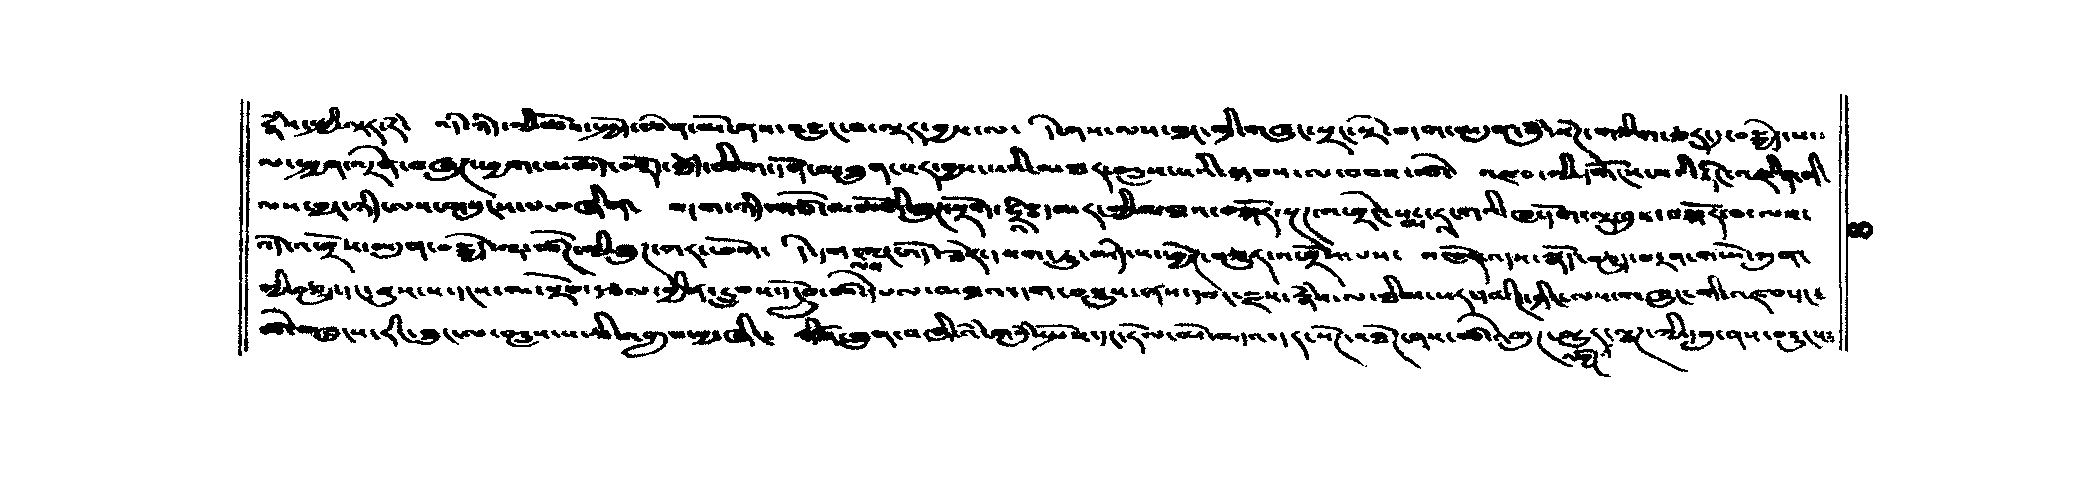རྣམས་སྤྱི་ལྟར་རམ། འདི་ནིད་ཀྱི་ཆོས་སྤྱོད་ཆེན་མོ་ནས་འབྱུང་བ་ལྟར་བྱས་ལ། དེ་ནས་ལས་བྱང་གི་གཞུང་སྲང་སྟེ་བདག་མདུན་བུམ་སོགས་གཅིག་ཅར་དུ་བསྐྱེད་པ་
ལ་སྤྱན་འདྲེན་བཞུགས་ཕྱག་མཆོད་བསྟོད་ཐམས་ཅད་ཆིག་དོན་མཐུན་པར་བྱས་པའི་མཐར་བཟླས་པའི་སྐབས་ལ་བབས་ཚེ། འཛབ་ཀྱི་དགོངས་པའི་ཏིང་འཛིན་ནི་
ལས་བྱང་ཉིད་ལས་གསུངས་པ་བཞིན། བདག་ཉིད་གཙོ་མཆོག་གི་ཐུགས་སྲོག་ཧྲཱིཿདམར་གྱི་མཐའ་བསྐོར་སྔགས་འཕྲེང་པདྨ་རཱ་གའི་ཁ་དོག་ལྟ་བུས་བསྐོར་བ་ལས་
འོད་འཕྲོས་མདུན་བསྐྱེད་ལྷ་ཚོགས་ཀྱི་ཐུགས་ཀར་ཕོག དེ་དག་ལས་ཀྱང་འོད་ཟེར་དཔག་ཏུ་མེད་པ་ཕྱོགས་བཅུག་འཕྲོས་པས། འཁོར་འདས་སྣོད་བཅུད་བརྟན་གཡོ་ཀུན་
གྱི་བཅུད་དང་ནུས་པ་དངས་མ་སྟོབ་རྩལ་བྱིན་རླབས་དངོས་གྲུབ་ཚེ་དཔལ་མཐའ་དག་བསྡུས་ནས་དབང་རྫས་རྣམས་ལ་ཐིམ་པར་དམིགས་ཤིང་ལས་གཞུང་གི་འཛབ་དང་
ཚེ་གཟུངས་རིང་ཐུང་ལ་བཟླས་པ་ཅི་འགྲུབ་བྱ་ཞིང་། ཉིན་ཚན་ཐུན་བཞི་འམ་གསུམ་སྤོས་དང་རོལ་མོ་མདའ་དར་སོགས་འཐོགས་ནས་ཚེ་འགུགས་མྱུར་འཕྱོགས་ལྕགས་ཀྱི་དབུ་ནས་བཟུངས་